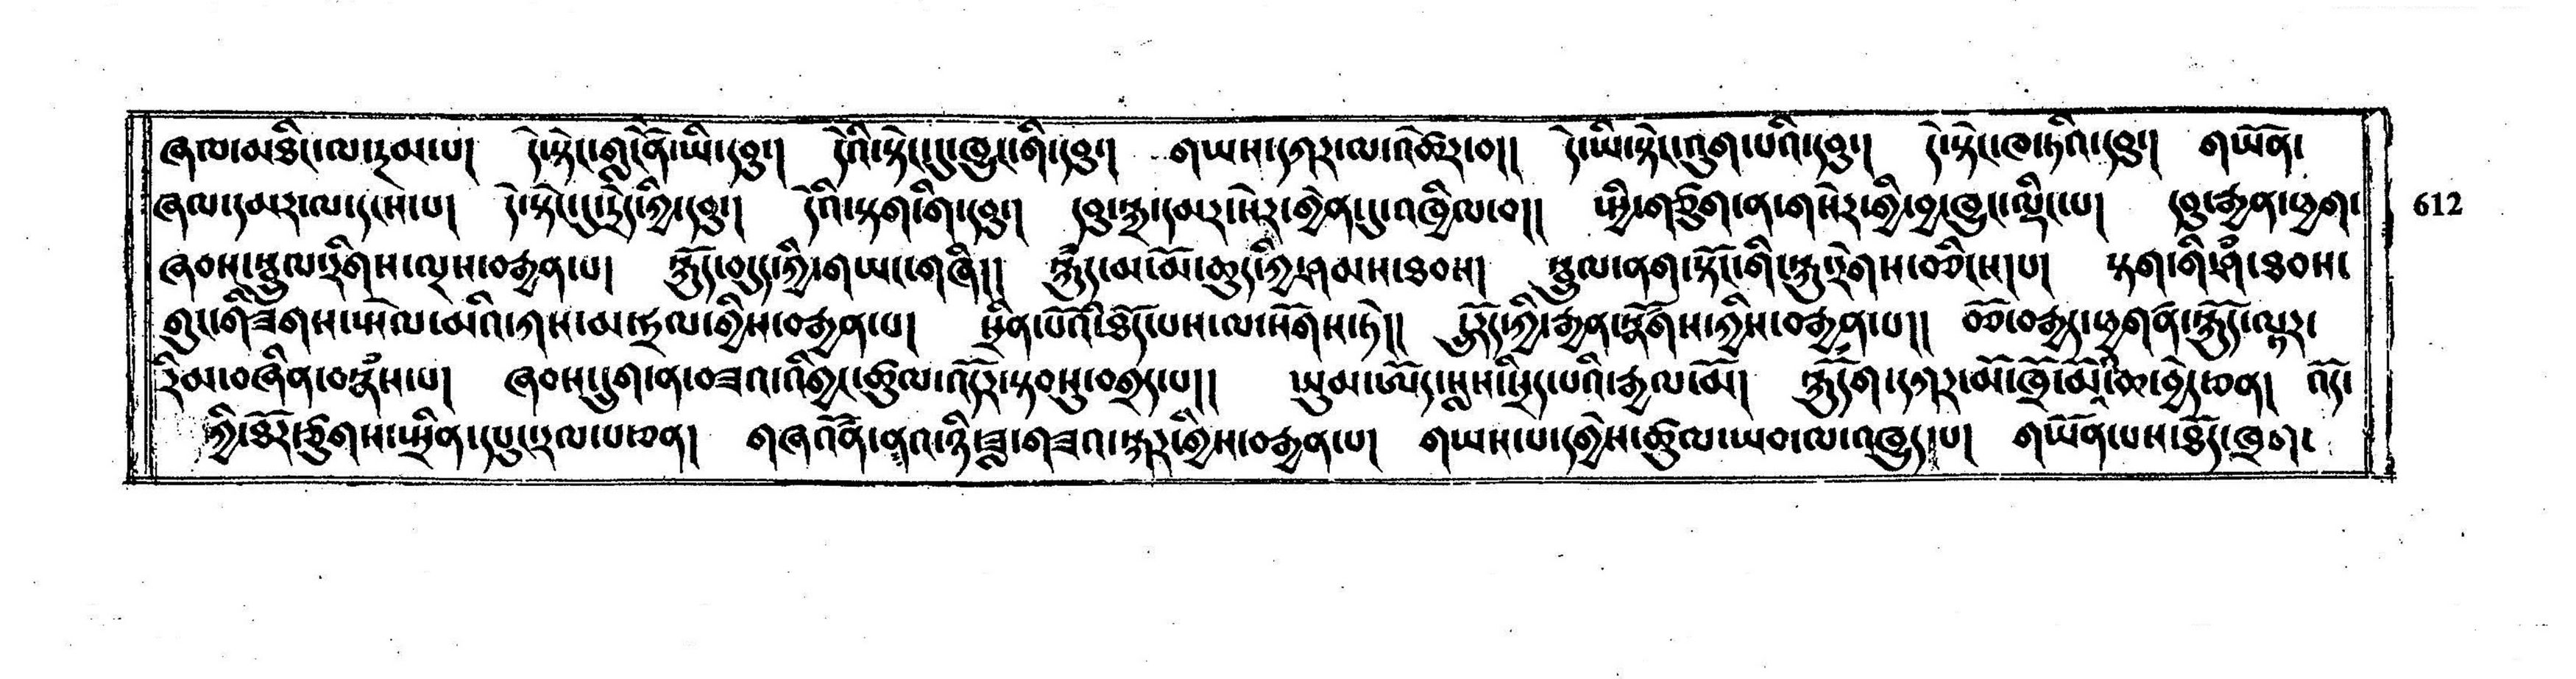ཞལ་མཐིང་ལ་རྔམ་པ། དེ་སྟེང་གླང་པོ་ཆེ་ཡི་དབུ། དེའི་སྟེང་དུ་ཁྱུང་གི་དབུ། གཡས་དཀར་ལ་འཚེར་བ།། དེ་ཡི་སྟེང་འུག་པའི་དབུ། དེ་སྟེང་ཁ་ཏའི་དབུ། གཡོན་
ཞལ་དམར་ལ་དངས་པ། དེ་སྟེང་དུ་དྲེད་ཀྱི་དབུ། དེའི་སྟེང་དུ་སྟག་གི་དབུ། དབུ་སྐྲ་དམར་སེར་གྱེན་དུ་འཁྱིལ་བ།། སྤྱི་གཙུག་ན་གསེར་གྱི་བྱ་ཁྱུང་ལྡིང་པ། དབུ་རྒྱན་ཕྱག་
ཞབས་སྦྲུལ་རིགས་ལྔས་བརྒྱན་པ། སྐུ་སྟོད་བདུད་ཀྱི་གཡང་གཞི།། སྐུ་སྨད་མ་མོ་ཆུད་ཀྱི་ཤམས་ཐབས། སྦྲུལ་ནག་སྟོང་གི་སྐུ་རེགས་བཅིངས་པ། སྟག་གི་ཤམ་ཐབས་
གུང་གཟིགས་སྤེལ་མའི་ཀས་མ་ཧྲལ་གྱིས་བརྒྱན་པ། སྲིན་པོའི་ཐོད་པ་ལ་སོགས་ཏེ།། དུར་ཁྲོད་ཀྱི་རྒྱན་སྣ་ཚོགས་ཀྱིས་བརྒྱན་པ།། བཅོ་བརྒྱད་ཕྱག་མཚན་སྐུ་བསྟོད་ལྟར་
རིམ་བཞིན་བསྣམས་པ། ཞབས་དྲུག་ན་བཟའ་འགྱིང་ཚུལ་འདོར་སྟབས་སུ་བགྲད་པ།། ཡུམ་ཨོད་སླས་སྲིད་པའི་རྒྱལ་མོ། སྐུ་མདོག་དཀར་མོ་ཁྲོ་མོའི་ཆ་བྱེད་ཅན། འོད་
ཀྱི་ཐོར་ཙུགས་སྤྲིན་དཔུང་རལ་པ་ཅན། གཞའ་ཚོན་ན་བཟའ་ཉི་ཟླ་གཟའ་སྐར་གྱིས་བརྒྱན་པ། གཡས་པ་དགྱེས་ཚུལ་ཡབ་ལ་འཁྱུད་པ། གཡོན་པས་ཐོད་ཁྲག་